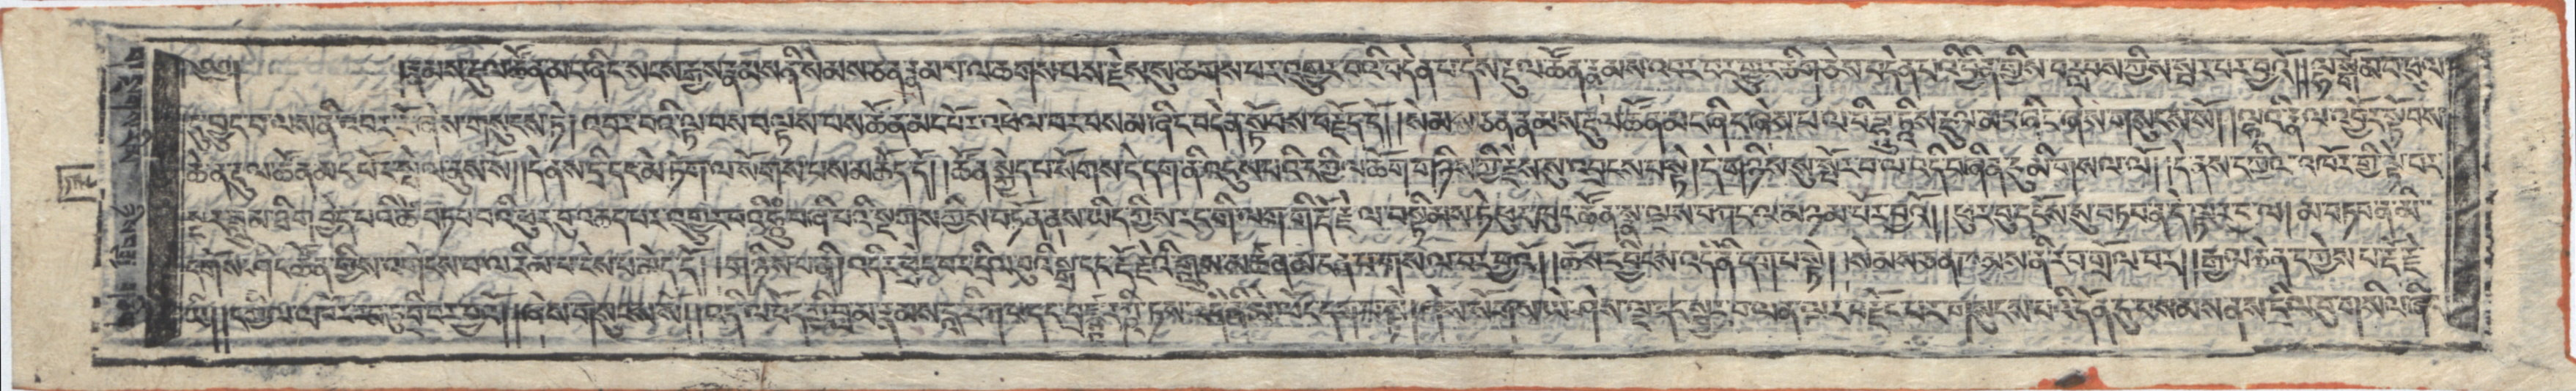༄༅། །རྣམས་རྡུལ་ཚོན་མང་ཞིང་སངས་རྒྱས་རྣམས་ནི་སེམས་ཅན་རྣམས་ལ་ཆགས་པས་རྗེས་སུ་ཆགས་པར་འགྱུར་བའི་བདེན་པ་དེས་རྡུལ་ཚོན་རྣམས་འབར་བར་གྱུར་ཅིག་ཅེས་བདེན་པའི་བྱིན་གྱིས་བརླབས་ཀྱིས་སྦར་བར་བྱའོ། །ལྷ་སྒོམ་པ་ཕུལ་
དུ་བྱུང་བ་ལས་ནི་འབར་རོ་ཞེས་གསུངས་ཏེ། འབར་བའི་ལྟ་བས་བལྟས་པས་ཚོན་མང་པོར་འཕེལ་བར་བསམ་ཞིང་བདེན་སྟོབས་བརྗོད་དོ། །སེམས་ཅན་རྣམས་རྡུལ་ཚོན་མང་ཞིང་ཞེས་པ་ལ་བི་བྷཱུ་ཏཱིས་རྡུལ་མང་ཞིང་ཞེས་གསུངས་སོ། །ལྷའི་རྣལ་འབྱོར་སྟོབས་
ཆེ་ན་རྡུལ་ཚོན་མང་པོར་སྤེལ་ནུས་སོ། །དེ་ནས་དྲི་དང་མེ་ཏོག་ལ་སོགས་པས་མཆོད་དོ། །ཚོན་སྐྱེད་པ་སོགས་དེ་དག་ནི་འདུས་པའི་དཀྱིལ་ཆོག་གཉིས་ཀྱི་རྗེས་སུ་འབྲངས་པ་སྟེ། དེ་གཉིས་སུ་སྤོར་བ་ལ་འདི་བཞིན་དུ་མི་གསལ་ལོ། །དེ་ནས་དཀྱིལ་འཁོར་གྱི་ལྟེ་བར་
སྔར་ཟླུམ་ཐིག་བྱེད་པའི་ཚེ་བཏབ་པའི་ཕུར་བུ་འཆད་པར་འགྱུར་བའི་ཧཱུཾ་བཞི་པའི་སྔགས་ཀྱིས་བཏོན་ནས་ཡིད་ཀྱིས་རང་གི་ལག་གི་རྡོ་རྗེ་ལ་བསྟིམས་ཏེ་ཕུར་ཁུང་ཚོན་སྣ་ལྔས་བཀང་ལ་མཉམ་པོར་བྱའོ། །ཕུར་བུ་དངོས་སུ་བཏབ་ན་དེ་ལྟར་བྱ་ལ། མ་བཏབ་ན་མི་
དགོས་ཤིང་ཚོན་གྱིས་འགེངས་བ་ལ་རིམ་པ་ངེས་པ་མེད་དོ། །གཉིས་པ་ནི། འདིར་ཕྲེང་བར་དྲིལ་བུའི་སྒྲ་དང་རྡོ་རྗེའི་གླུས་མཚན་མ་ངན་པ་གསལ་བར་བྱའོ། །ཆོས་དབྱིངས་འདི་ནི་དག་པ་སྟེ། །སེམས་ཅན་ཁམས་ནི་རབ་གྲོལ་བར། །རྒྱལ་ཆེན་དཀྱེས་པ་རྡོ་རྗེ་
ཡི། །དཀྱིལ་འཁོར་རབ་ཏུ་བྲི་པར་བྱའོ། །ཞེས་གསུངས་སོ། །འདི་ལ་བོད་ཀྱི་བླ་མ་རྣམས་དཱ་རི་ཀ་པ་དང་པྲཛྙཱ་རཀྵི་ཏས་འདི་ནི་མེ་ལོང་དག་པ་སྟེ། ཞེས་སོགས་ཡེ་ཤེས་ལྔ་དང་སྦྱར་བ་ལན་ལྔར་བརྗོད་པར་གསུངས་པའི་དོན་དུ་བསམས་ནས་དྲིལ་བུ་གསིལ་ཞིང་